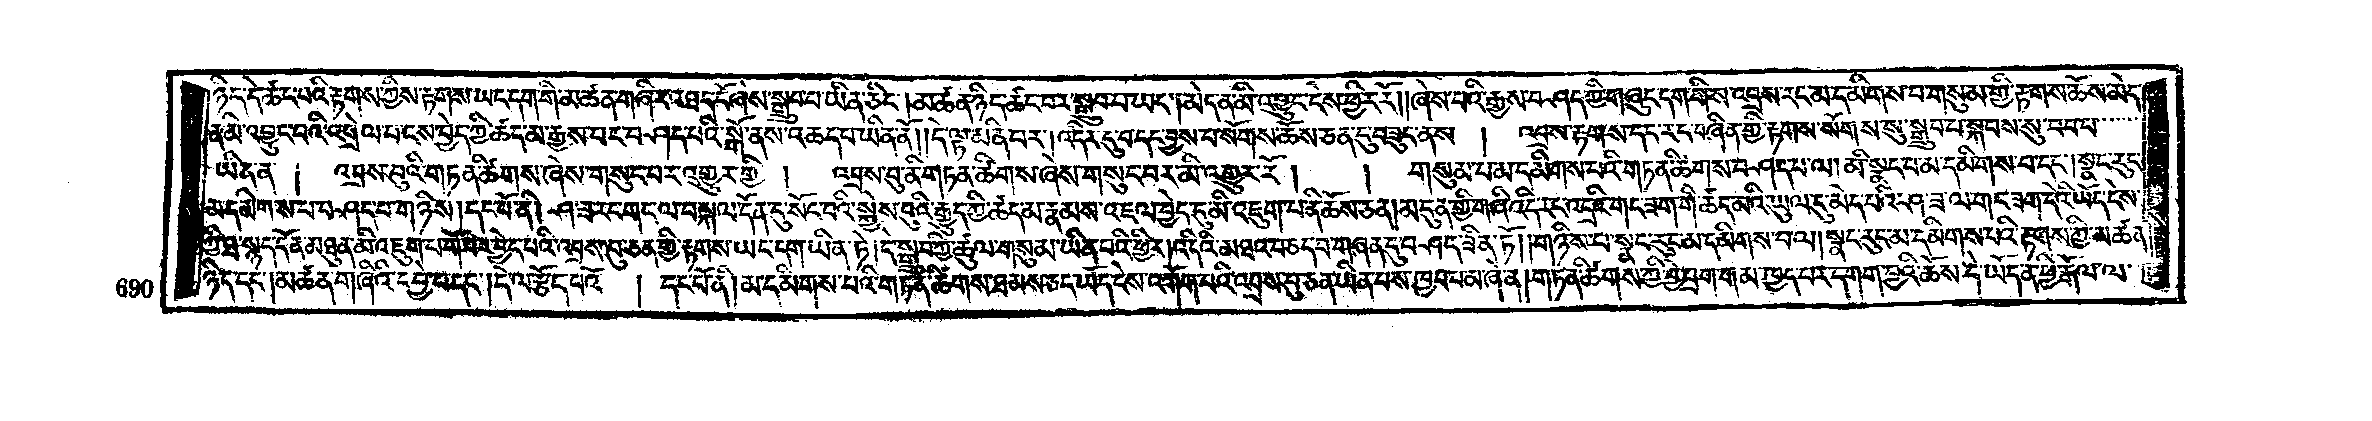ཉིད་དེ་ཚང་པའི་རྟགས་ཀྱིས་རྟགས་ཡང་དག་གི་མཚན་གཞིར་འཐད་དོ་ཞེས་སྒྲུབ་པ་ཡིན་ཅིང་། མཚན་ཉིད་ཚང་བར་སྒྲུབ་པ་ཡང་། མེད་ན་མི་འབྱུང་ངེས་ཕྱིར་རོ། །ཞེས་པའི་རྒྱས་བཤད་ཀྱི་གཞུང་དག་གིས་འབྲས་རང་མ་དམིགས་པ་གསུམ་གྱི་རྟགས་ཆོས་མེད་
ན་མི་འབྱུང་བའི་འབྲེལ་བ་ངེས་བྱེད་ཀྱི་ཚད་མ་རྒྱས་པར་བཤད་པའི་སྒོ་ནས་འཆད་པ་ཡིན་ནོ། །དེ་ལྟ་མིན་པར། འདིར་དུ་བ་དང་བྱས་པ་སོགས་ཆོས་ཅན་དུ་བཟུང་ནས། འབྲས་རྟགས་དང་རང་བཞིན་གྱི་རྟགས་སོགས་སུ་སྒྲུབ་པ་སྐབས་སུ་བབ་པ་
ཡིན་ན། འབྲས་བུའི་གཏན་ཚིགས་ཞེས་གསུང་བར་འགྱུར་གྱི། འབྲས་བུ་ནི་གཏན་ཚིགས་ཞེས་གསུང་བར་མི་འགྱུར་རོ། །གསུམ་པ་མ་དམིགས་པའི་གཏན་ཚིགས་བཤད་པ་ལ། མི་སྣང་བ་མ་དམིགས་པ་དང་། སྣང་རུང་
མ་དམིགས་པ་བཤད་པ་གཉིས། དང་པོ་ནི། ཤ་ཟ་རང་གང་ལ་བསྐལ་དོན་དུ་སོང་བའི་སྐྱེས་བུའི་རྒྱུད་ཀྱི་ཚད་མ་རྣམས་འཇལ་བྱེད་དུ་མི་འཇུག་པ་ནི་ཆོས་ཅན། མདུན་གྱི་གཞི་འདི་རང་འདྲའི་གང་ཟག་གི་ཚད་མའི་ཡུལ་དུ་མེད་པའི་ཤ་ཟ་ལ་གང་ཟག་དེའི་ཡོད་ངེས་
ཀྱི་ཐ་སྙད་དོན་མཐུན་མི་འཇུག་པ་གོ་བར་བྱེད་པའི་འབྲས་བུ་ཅན་གྱི་རྟགས་ཡང་དག་ཡིན་ཏེ། དེ་སྒྲུབ་ཀྱི་ཚུལ་གསུམ་ཡིན་པའི་ཕྱིར། འདིའི་མཐའ་བཅད་པ་གཞན་དུ་བཤད་ཟིན་ཏོ། །གཉིས་པ་སྣང་རུང་མ་དམིགས་པ་ལ། སྣང་རུང་མ་དམིགས་པའི་རྟགས་ཀྱི་མཚན་
ཉིད་དང་། མཚན་གཞིའི་དབྱེ་བ་དང་། དེ་ལ་རྩོད་པའོ། །དང་པོ་ནི། མ་དམིགས་པའི་གཏན་ཚིགས་ཐམས་ཅད་ཡོད་ངེས་འགོག་པའི་འབྲས་བུ་ཅན་ཡིན་པས་ཁྱབ་པམ་ཞེ་ན། གཏན་ཚིགས་ཀྱི་བྱེ་བྲག་གམ་ཁྱད་པར་དགག་བྱའི་ཆོས་དེ་ཡོད་ན་ཕྱི་རྒོལ་ལ་